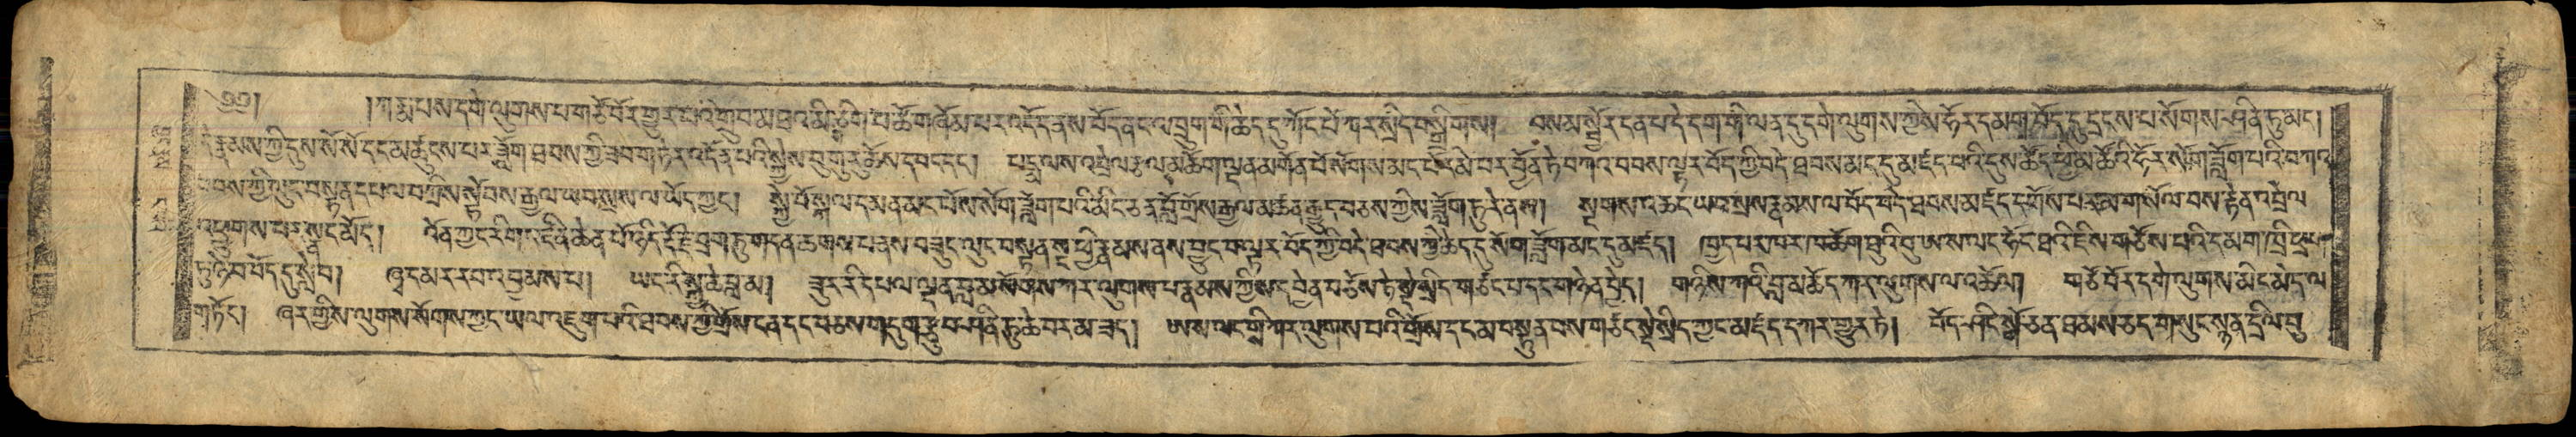༄༅། །ཀརྨ་པས་དགེ་ལུགས་པ་གཙོ་བོར་གྱུར་པའི་གྲུབ་མཐའ་མི་གཅིག་པ་ཚོ་གཞོམ་པར་འདོད་ནས་བོད་ནང་འཁྲུག་ག་ཆེད་དུ་ཀོང་པོ་ཀར་སྲིད་བསྒྲིགས། བསམ་སྦྱོར་ངན་པ་དེ་དག་གི་ལན་དུ་དགེ་ལུགས་ཀྱིས་ཧོར་དམག་བོད་དུ་དྲངས་པ་སོགས་ཤིན་ཏུ་མང་།
དེ་རྣམས་ཀྱི་དུས་སོ་སོ་དང་མཚུངས་པར་ཟློག་ཐབས་ཀྱི་ཟབ་གཏེར་འདོན་པའི་སྐྱེས་བུ་གུ་རུ་ཆོས་དབང་དང་། པདམ་ལས་འབྲེལ་རྩལ་མཆོག་ལྡན་མགོན་པོ་སོགས་མང་པོ་རིམ་པར་བྱོན་ཏེ་བཀའ་བབས་ལྟར་བོད་ཀྱི་བདེ་ཐབས་མང་དུ་མཛད་པའི་དུས་ཚོད་ཕྱི་མཚོའི་ཧོར་སོག་ཟློག་པའི་བཀའ་
བབས་ཀྱི་ལུང་བསྟན་དཔལ་བཀྲིས་སྟོབས་རྒྱལ་ཡབ་སྲས་ལ་ཡོད་ཀྱང་། སྐྱེ་བོ་སྐལ་དམན་མང་པོས་སོགས་ཟློག་པའི་མིང་ཅན་བློ་གྲོས་རྒྱལ་མཚན་རྒྱུད་བཅས་ཀྱིས་ཟློག་ཏུ་རེ་ནས། སྔགས་འཆང་ཡབ་སྲས་རྣམས་ལ་བོད་བདེ་ཐབས་མཛད་དགོས་པར་མ་གསོལ་བས་རྟེན་འབྲེལ་
འཕྱུགས་པར་སྣང་མོད། འོན་ཀྱང་རིག་འཛིན་ཆེན་པོ་ཉིད་རྡོ་རྗེ་བྲག་ཏུ་གདན་ཆགས་པ་ནས་བཟུང་ལུང་བསྟན་སྔ་ཕྱི་རྣམས་ནས་བྱུང་བ་ལྟར་བོད་ཀྱི་བདེ་ཐབས་ཀྱི་ཆེད་དུ་སོག་ཟློག་མང་དུ་མཛད། ཁྱད་པར་ཁར་ཁ་ཆོག་ཐུའི་བུ་ཨ་ས་ལང་ཧོང་ཐའི་ཇིས་གཙོས་པའི་དམག་ཁྲི་ཕྲག་
ཏུ་ཉེ་བ་བོད་དུ་སླེབ། ཞྭ་དམར་རབ་འབྱམས་པ། ཡང་རི་སྐུ་ཆ་བླ་མ། ཟུར་རི་དཔལ་ལྡན་བླ་མ་སོགས་ཀར་ལུགས་པ་རྣམས་ཀྱིས་དབྱེན་བཙོས་ཏེ་སྡེ་སྲིད་གཙང་པ་དང་གཉེན་བྱེད། གཉིས་ཀའི་བླ་མཆོད་ཀར་ལུགས་ལ་འཚོལ། གཙོ་བོར་དགེ་ལུགས་མིང་མེད་ལ་
གཏོང་། ཞར་གྱིས་ལུགས་སོགས་ཀྱང་ཡལ་འཇུག་པའི་ཐབས་ཀྱི་གྲོས་ངན་དང་བཅས་གདུག་རྩུབ་ཤིན་ཏུ་ཆེ་བར་མ་ཟད། ཨ་ས་ལང་གིས་ཀར་ལུགས་པའི་གྲོས་དང་མ་བསྟུན་པས་གཙང་སྡེ་སྲིད་ཀྱང་མཛད་དཀར་གྱུར་ཏེ། བོད་ཤིང་སྒོ་ཅན་ཐམས་ཅད་གསུང་སྙན་དྲིལ་བུ་